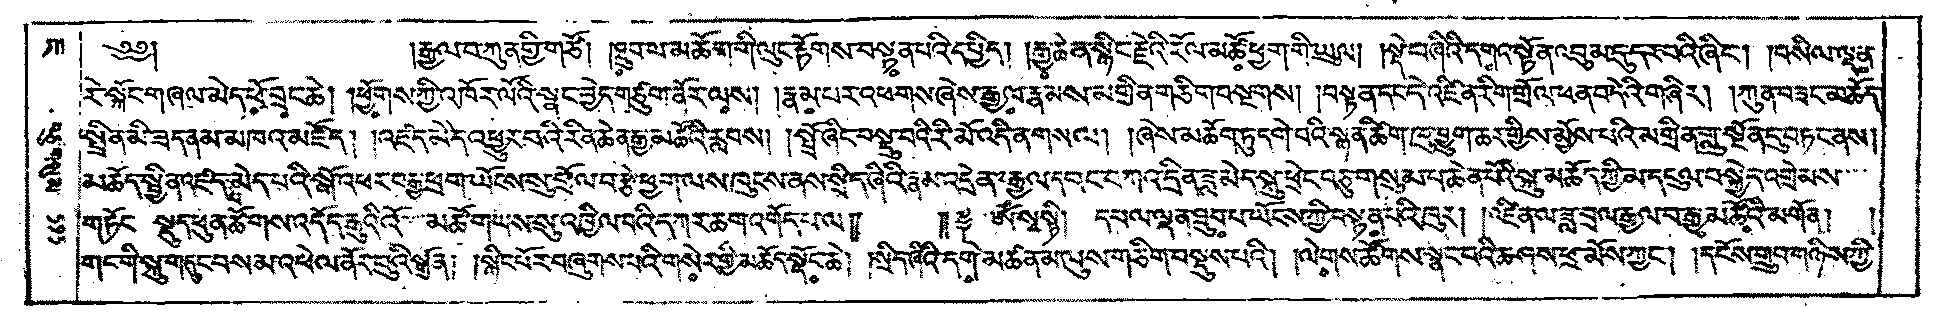༄༅། །རྒྱལ་བ་ཀུན་གྱི་གཙོ། །ཐུབ྾་པ་མཆོག་གི་ལུང་རྟོགས་བསྟན྾་པའི་དཔྱིད། །རྒྱ྾་ཆེན་སྙིང་རྗེའི་རོལ་མཚོ྾་ཕྱག་གི་ཡུལ། །སྡེ་བཞིའི་དགའ྾་སྟོན་འབུམ་དུ་དར་བའི་ཞིང་། །བསིལ་ལྡན྾་
རེ་སྐོང་གཞལ་མེད་ཕོ྾་བྲང྾་ཆེ། །ཕྱོགས྾་ཀྱི་འཁོར་ལོའི་སྣང་བྱེད་གཙུག་ནོར་ལས྾། །རྣམ྾་པར་འཕགས་ཞེས་རྒྱལ྾་རྣམས་མགྲིན་གཅིག་བསྔགས། །བསྟན་དང་དེ་འཛིན་རིག་གྲོལ་ཕན་བདེའི་གཞིར། །ཀུན་བཟང་མཆོད་
སྤྲིན་མི་ཟད་ནམ་མཁའ་མཛོད། །འཛད་མཻད་འཕྱུར་བའི་རིན་ཆེན་རྒྱ་མཚོའི་རླབས། །སྤྲོ་ཞིང་བསྡུ་བའི་རི་མོ་འདི་ན་གསལ། །ཞེས་མཆོག་ཏུ་དགེ་བའི་སྙན་ཚིག་ཁུ་བྱུག་ཆར་གྱིས་མྱོས་པའི་མགྲིན་གླུ་སྔོན་དུ་བཏང་ནས།
མཆོད་སྦྱིན་འཛད་པ་མེད་པའི་སྒོ་འཕར་བརྒྱ་ཕྲག་ཡོངས་སུ་གྲོལ་བ་རྩེ་ཕྱག་ལས་ཁུངས་ནས་སྲིད་ཞིའི་རྣམ་འདྲེན་༧རྒྱལ་དབང་བཀའ་དྲིན་ཟླ་མེད་སྐུ་ཕྲེང་བཅུ་གསུམ་པ་ཆེན་པོའི་སྐུ་མཆོད་ཀྱི་མ་དངུལ་བསྐྱེད་འགྲེམས་
གཏོང་སྡུད་ཕུན་ཚོགས་འདོད་རྒུའིའོ་མཚོ་གཡས་སུ་འཁྱིལ་བའི་དཀར་ཆག་འགོད་པ་ལ།། །། ༈ ཨོཾ་སྭ་སྟི། དཔལ་ལྡན་ཐུབ྾་པ་ཡོངས་ཀྱི་བསྟན྾་པའི་ཁུར། །འཛིན་ལ་ཟླ་བྲལ་རྒྱལ་བ་རྒྱ྾་མཚོའི྾་མགོན། །
གང་གི་སྐུ་གདུང་བསམ་འཕེལ་ནོར་བུའི་སྒྲོན། །སྙིང་པོར་བཞུགས་པའི་གསེར྾་གྱི་མཆོད་སྡོང྾་ཆེ། །སྲིད་ཞིའི་དགེ྾་མཚན་མ་ལུས་གཅིག་བསྡུས་པའི། །ལེགས྾་ཚོགས་སྣང་བའི་ཆ་ཤས་ཕྲ་མོས་ཀྱང་། །དངོས་གྲུབ་གཉིས་ཀྱི་